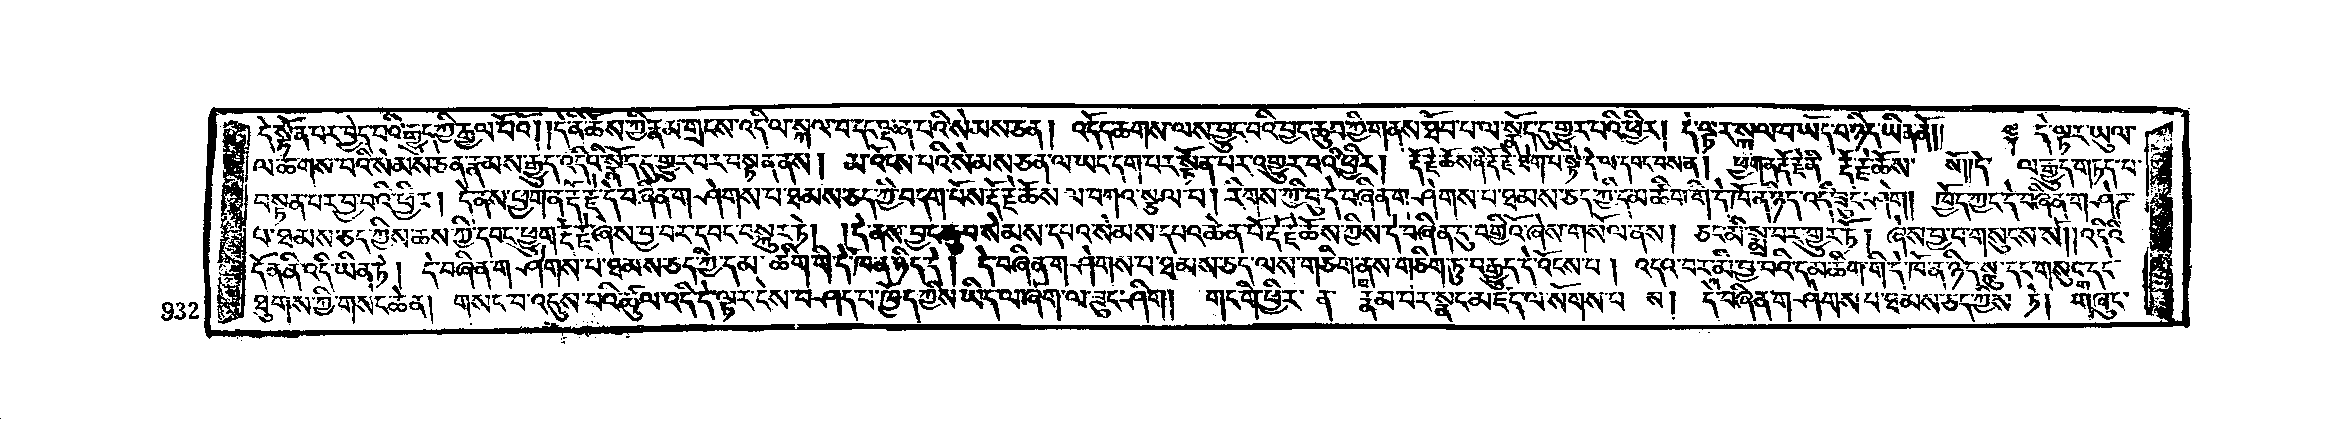དེ་སྟོན་པར་བྱེད་པའི་རྒྱུད་ཀྱི་རྒྱལ་པོའོ། །དེ་ནི་ཆོས་ཀྱི་རྣམ་གྲངས་འདི་ལ་སྐལ་བ་དང་ལྡན་པའི་སེམས་ཅན། འདོད་ཆགས་ལས་བྱུང་བའི་བྱང་ཆུབ་ཀྱི་གནས་ཐོབ་པ་ལ་སྣོད་དུ་གྱུར་པའི་ཕྱིར། དེ་ལྟར་སྐལ་བ་ཡོད་པ་ཉིད་ཡིན་ནོ།། ༈ དེ་ལྟར་ཡུལ་
ལ་ཆགས་པའི་སེམས་ཅན་རྣམས་རྒྱུད་འདིའི་སྣོད་དུ་གྱུར་པར་བསྟན་ནས། མ་འོངས་པའི་སེམས་ཅན་ལ་ཡང་དག་པར་སྟོན་པར་འགྱུར་བའི་ཕྱིར། རྡོ་རྗེ་ཆོས་ནི་རྡོ་རྗེ་ཐེག་པ་སྟེ་དེ་ལ་དབང་བས་ན། ཕྱག་ན་རྡོ་རྗེ་ནི་རྡོ་རྗེ་ཆོས་སོ།།  དེ་ལ་རྒྱུད་གཏད་པ་
བསྟན་པར་བྱ་བའི་ཕྱིར། དེ་ནས་ཕྱག་ན་རྡོ་རྗེ་དེ་བཞིན་གཤེགས་པ་ཐམས་ཅད་ཀྱི་བདག་པོས་རྡོ་རྗེ་ཆོས་ལ་བཀའ་སྩལ་པ། རིགས་ཀྱི་བུ་དེ་བཞིན་གཤེགས་པ་ཐམས་ཅད་ཀྱི་དམ་ཚིག་གི་དེ་ཁོ་ན་ཉིད་འདི་ཟུང་ཤིག །ཁྱོད་ཀྱང་དེ་བཞིན་གཤེགས་
པ་ཐམས་ཅད་ཀྱིས་ཆོས་ཀྱི་དབང་ཕྱུག་རྡོ་རྗེ་ཞེས་བྱ་བར་དབང་བསྐུར་ཏེ། །དེ་ནས་བྱང་ཆུབ་སེམས་དཔའ་སེམས་དཔའ་ཆེན་པོ་རྡོ་རྗེ་ཆོས་ཀྱིས་དེ་བཞིན་དུ་བགྱིའོ་ཞེས་གསོལ་ནས། ཅང་མི་སྨྲ་བར་གྱུར་ཏོ། ཞེས་བྱ་བ་གསུངས་སོ། །འདིའི་
དོན་ནི་འདི་ཡིན་ཏེ། དེ་བཞིན་གཤེགས་པ་ཐམས་ཅད་ཀྱི་དམ་ཚིག་གི་དེ་ཁོ་ན་ཉིད་དེ། དེ་བཞིན་གཤེགས་པ་ཐམས་ཅད་ལས་གཅིག་ནས་གཅིག་ཏུ་བརྒྱུད་དེ་འོངས་པ། འདའ་བར་མི་བྱ་བའི་དམ་ཚིག་གི་དེ་ཁོ་ན་ཉིད་སྐུ་དང་གསུང་དང་
ཐུགས་ཀྱི་གསང་ཆེན། གསང་བ་འདུས་པའི་ཚུལ་འདི་དེ་ལྟར་ངེས་བཤད་པ་ཁྱོད་ཀྱིས་ཡིད་ལ་ཞོག་ལ་ཟུང་ཤིག །གང་གི་ཕྱིར་ན་ཁ་རྣམ་པར་སྣང་མཛད་ལ་སོགས་པས། དེ་ཀ་བཞིན་གཤེགས་པ་ཐམས་ཅད་ཀྱིས་ཏེ། ག྄་གཞུང་